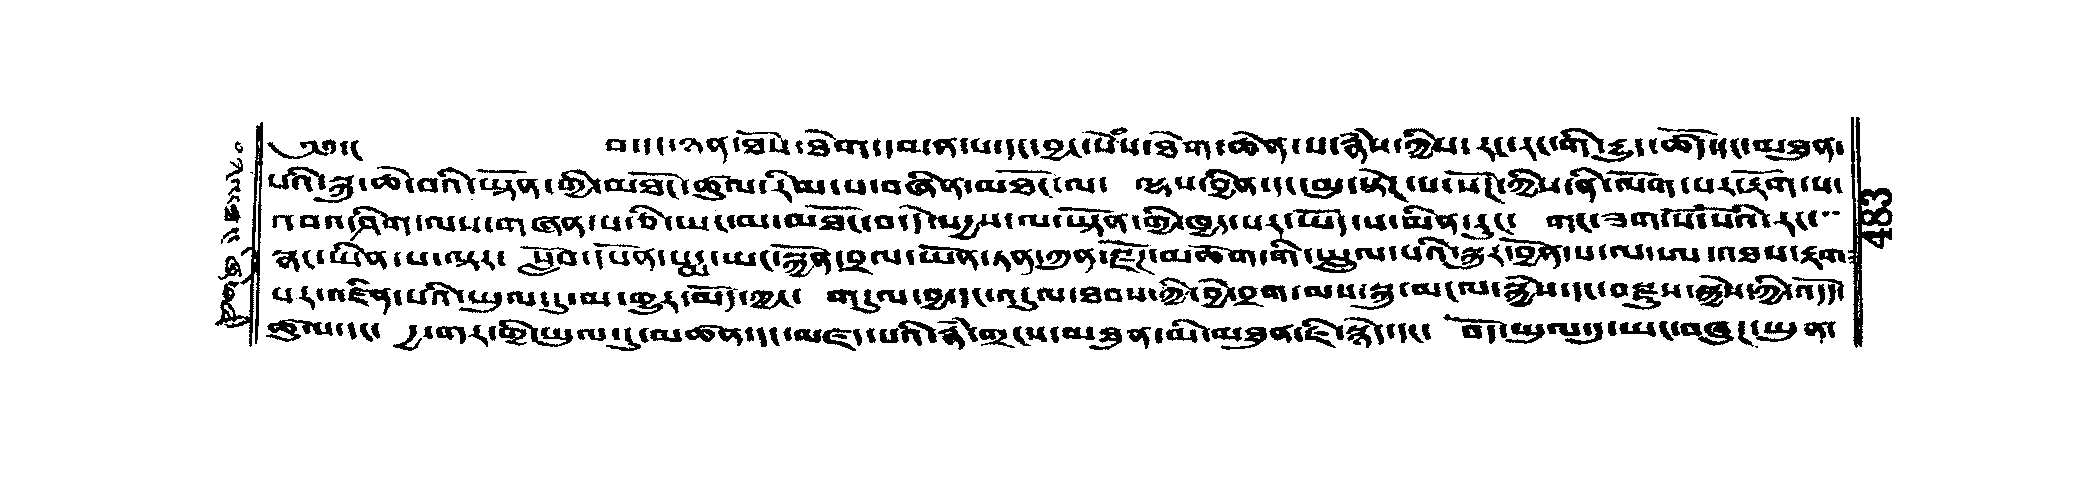བ་དང་ཉན་ཐོས་ཐེག་དམན་པ་དང་བྱང་སེམས་ཐེག་ཆེན་པ་རྣམས་ཀྱིས་རང་རང་གི་རྒྱུད་ཚོད་དང་མཐུན་
པའི་སྐུ་ཆེ་བའི་ཡོན་ཏན་གྱི་མཐོང་ཚུལ་རིམ་པ་བཞིན་མཐོང་ལ། ལྷས་བྱིན་དང་མུ་སྟེགས་པ་སོགས་ཀྱིས་ནི་ལོག་པར་རྟོག་པ་
འབའ་ཤིག་ལས་གཞན་པ་ཅི་ཡང་མ་མཐོང་བ་དེ་སངས་རྒྱས་ལ་ཡོན་ཏན་གྱི་ཁྱད་པར་ཡོད་པ་མིན་རུང་། གང་ཟག་སོ་སོའི་རང་
སྣང་ཡིན་པ་ལྟར། སློབ་དཔོན་པདྨ་ཡང་སྐྱོན་བྲལ་ཡོན་ཏན་ཀུན་རྫོགས་མཆོག་གི་སྤྲུལ་པའི་སྐུར་བྱོན་པ་ལ་ཨ་འཐས་རྟག་
པར་འཛིན་པའི་ཡུལ་དུ་མ་གྱུར་མོད་ཀྱང་། གདུལ་བྱ་དང་འདུལ་ཐབས་ཀྱི་བྱེ་བྲག་ལས་སྐུ་མངལ་སྐྱེས་དང་བརྫུས་སྐྱེས་ཀྱི་འདོད་
ཚུལ་དང་། རྒྱ་གར་གྱི་ཡུལ་དུ་མཚན་དང་མཛད་པའི་རྣམ་གྲངས་མཐུན་མི་མཐུན་ཇི་སྙེད་དང་། བོད་ཡུལ་དུ་ཡང་བཞུགས་ཡུན་